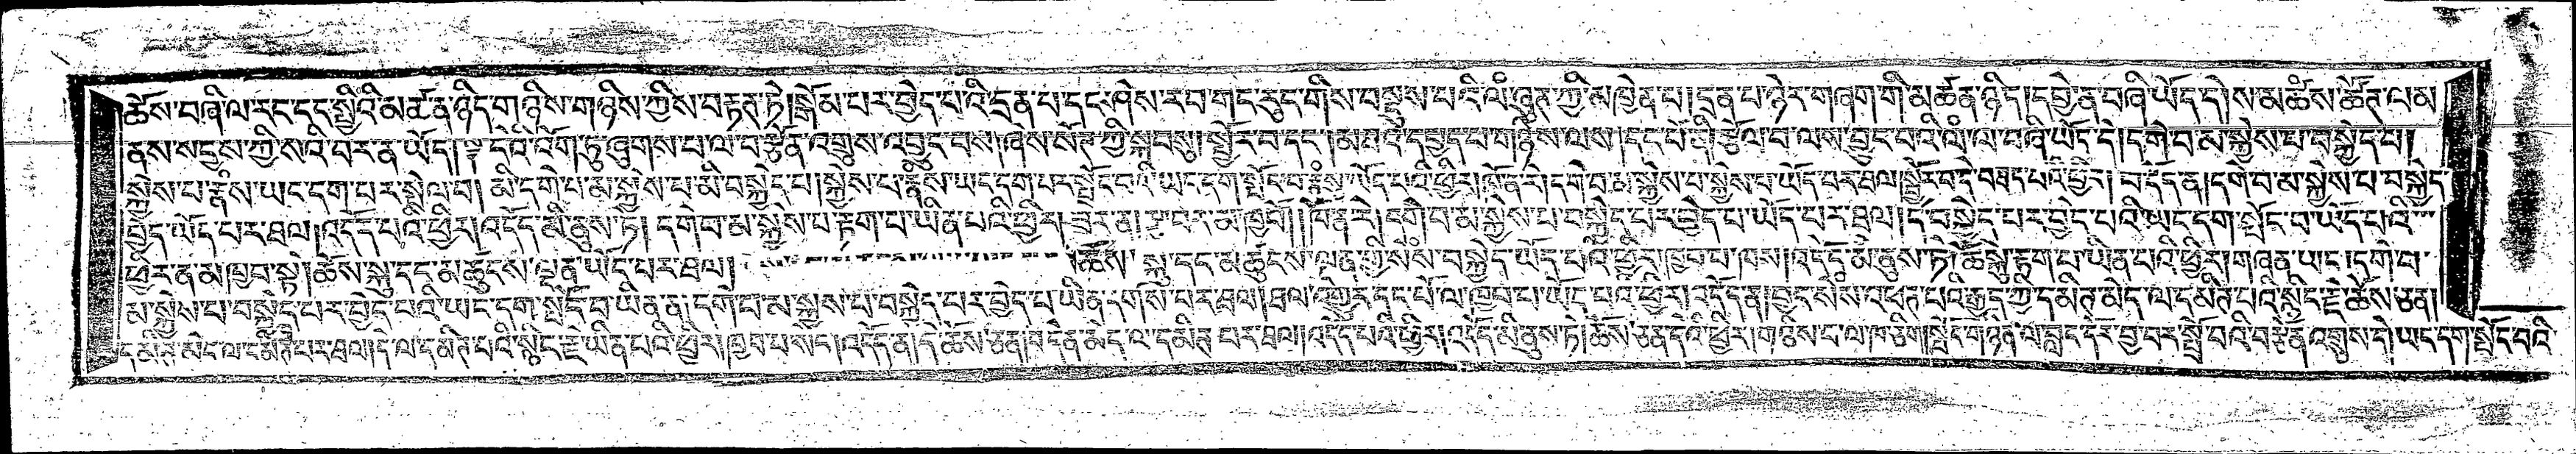ཆོས་བཞི་ལ་རང་དང་སྤྱིའི་མཚན་ཉིད་གཉིས་གཉིས་ཀྱིས་བརྟགས་ཏེ། སྒོམ་པར་བྱེད་པའི་དྲན་པ་དང་ཤེས་རབ་གང་རུང་གིས་བསྡུས་པའི་ལམ་ཞུགས་ཀྱི་མཁྱེན་པ། དྲན་པ་ཉེར་གཞག་གི་མཚན་ཉིད། དབྱེ་ན་བཞི་ཡོད་དེ། ས་མཚམས་ཚོགས་ལམ་
ནས་སངས་རྒྱས་ཀྱི་སའི་བར་ན་ཡོད། ༈ དེའི་འོག་ཏུ་ཞུགས་པ་ལ་བརྩོན་འགྲུས་འབྱུང་བས། ཞེས་སོགས་ཀྱི་སྐབས་སུ། སྦྱོར་བ་དང་། མཐའ་དཔྱད་པ་གཉིས་ལས། དང་པོ་ནི། རྩོལ་བ་ལས་བྱུང་བའི་ལམ་ལ་བཞི་ཡོད་དེ། དགེ་བ་མ་སྐྱེས་པ་བསྐྱེད་པ།
སྐྱེས་པ་རྣམས་ཡང་དག་པར་སྤེལ་བ། མི་དགེ་བ་མ་སྐྱེས་པ་མི་བསྐྱེད་པ། སྐྱེས་པ་རྣམས་ཡང་དག་པར་སྤོང་བའི་ཡང་དག་སྤོང་བ་རྣམས་སུ་ཡོད་པའི་ཕྱིར། ཁོ་ན་རེ། དགེ་བ་མ་སྐྱེས་པ་སྐྱེས་པ་ཡོད་པར་ཐལ། སྦྱོར་བ་དེ་བྠད་པའི་ཕྱིར། འདོད་ན། དགེ་བ་མ་སྐྱེས་པ་བསྐྱེད་
བྱེད་ཡོད་པར་ཐལ། འདོད་པའི་ཕྱིར། འདོད་མི་ནུས་ཏེ། དགེ་བ་མ་སྐྱེས་པ་རྟག་པ་ཡིན་པའི་ཕྱིར། ཟེར་ན། རྩ་བར་མ་ཁྱབ། །ཁོ་ན་རེ། དགེ་བ་མ་སྐྱེས་པ་བསྐྱེད་པར་བྱེད་པ་ཡོད་པར་ཐལ། དེ་བསྐྱེད་པར་བྱེད་པའི་ཡང་དག་སྤོང་བ་ཡོད་པའི་
ཕྱིར་ན་མ་ཁྱབ་སྟེ། ཆོས་སྐུ་དང་མཚུངས་ལྡན་ཡོད་པར་ཐལ། ???་ཆོས་སྐུ་དང་མཚུངས་ལྡན་གྱི་སེམས་བསྐྱེད་ཡོད་པའི་ཕྱིར། ཁྱབ་པ་ཁས། འདོད་མི་ནུས་ཏེ། ཆོ་སྐུ་རྟག་པ་ཡིན་པའི་ཕྱིར། གཞན་ཡང་། དགེ་བ་
མ་སྐྱེས་པ་བསྐྱེད་པར་བྱེད་པའི་ཡང་དག་སྤོང་བ་ཡིན་ན། དགེ་བ་མ་སྐྱེས་པ་བསྐྱེད་པར་བྱེད་པ་ཡིན་དགོས་པར་ཐལ། ཐལ་འགྱུར་དང་པོ་ལ་ཁྱབ་པ་ཡོད་པའི་ཕྱིར། འདོད་ན། བྱང་སེམས་འཕགས་པའི་རྒྱད་ཀྱི་དམིགས་མེད་ལ་དམིགས་པའི་སྙིང་རྗེ་ཆོས་ཅན།
དམིགས་མེད་ལ་དམིགས་པར་ཐལ། དེ་ལ་དམིགས་པའི་སྙིང་རྗེ་ཡིན་པའི་ཕྱིར། ཁྱབ་པ་སོང་། འདོད་ན། དེ་ཆོས་ཅན། བདེན་མེད་ལ་དམིགས་པར་ཐལ། འདོད་པའི་ཕྱིར། འདོད་མི་ནུས་ཏེ། ཆོས་ཅན་དེའི་ཕྱིར། གཉིས་པ་ལ་ཁ་ཅིག། སྤོང་གཉེན་ལ་བླང་དོར་བྱ་བར་སྤྲོ་བའི་བརྩོན་འགྲུས་དེ། ཡང་དག་སྤོང་བའི་